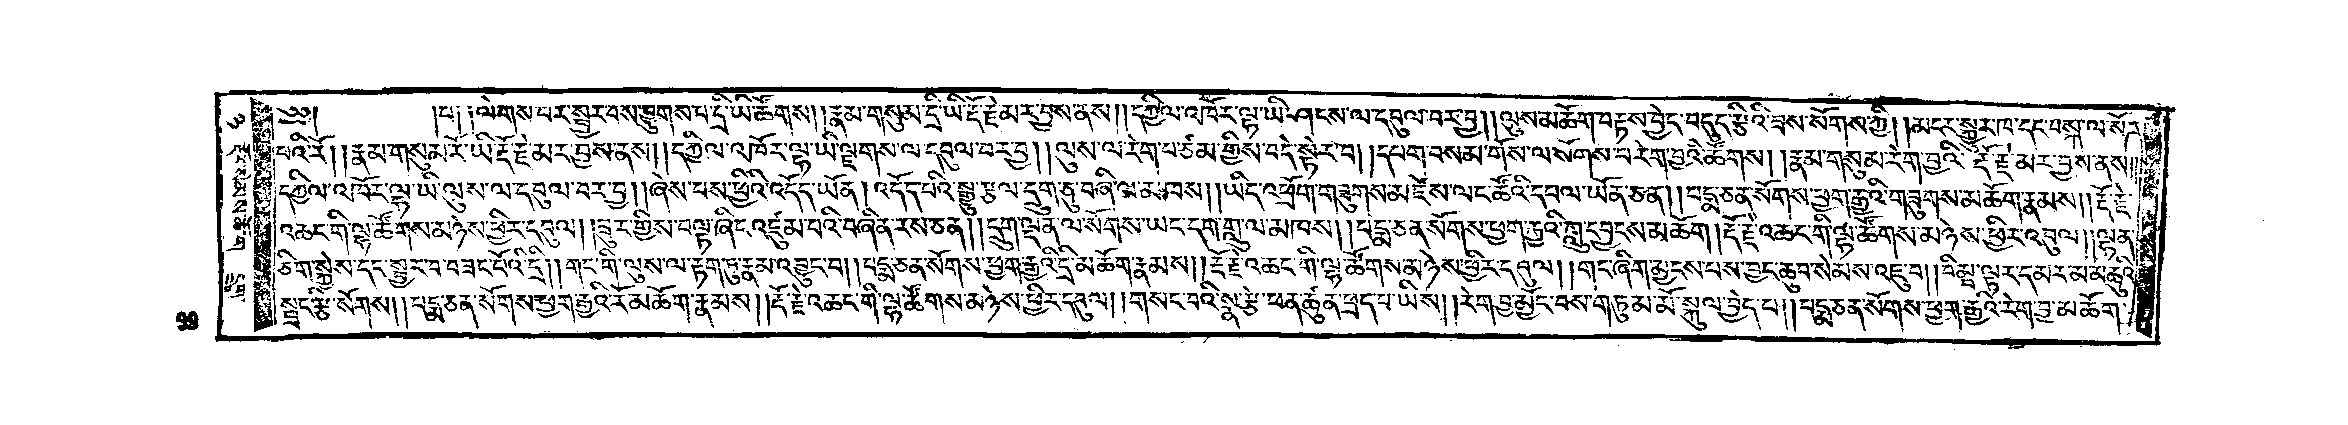༄༅། །པ། །ལེགས་པར་སྦྱར་བས་བྱུགས་པ་དྲི་ཡི་ཚོགས། །རྣམ་གསུམ་དྲི་ཡི་རྡོ་རྗེ་མར་བྱས་ནས། །དཀྱིལ་འཁོར་ལྷ་ཡི་ཤངས་ལ་དབུལ་བར་བྱ། །ལུས་མཆོག་བརྟས་བྱེད་བདུད་རྩིའི་ཟས་སོགས་ཀྱི། །མངར་སྐྱུར་ཁ་དང་བསྐ་ལ་སོགས་
པའི་རོ། །རྣམ་གསུམ་རོ་ཡི་རྡོ་རྗེ་མར་བྱས་ནས། །དཀྱིལ་འཁོར་ལྷ་ཡི་ལྗགས་ལ་དབུལ་བར་བྱ། །ལུས་ལ་རེག་པ་ཙམ་གྱིས་བདེ་སྟེར་བ། །དཔག་བསམ་གོས་ལ་སོགས་པ་རེག་བྱའི་ཚོགས། །རྣམ་གསུམ་རེག་བྱའི་རྡོ་རྗེ་མར་བྱས་ནས། །
དཀྱིལ་འཁོར་ལྷ་ཡི་ལུས་ལ་དབུལ་བར་བྱ། །ཞེས་པས་ཕྱིའི་འདོད་ཡོན། འདོད་པའི་སྒྱུ་རྩལ་དྲུག་ཅུ་བཞི་ལ་མཁས། །ཡིད་འཕྲོག་གཟུགས་མཛེས་ལང་ཚོའི་དཔལ་ཡོན་ཅན། །པདམ་ཅན་སོགས་ཕྱག་རྒྱའི་གཟུགས་མཆོག་རྣམས། །རྡོ་རྗེ་
འཆང་གི་ལྷ་ཚོགས་མཉེས་ཕྱིར་དབུལ། །ཟུར་གྱིས་བལྟ་ཞིང་འཛུམ་པའི་བཞིན་རས་ཅན། །དྲུག་ལྡན་ལ་སོགས་ཡང་དག་གླུ་ལ་མཁས། །པདམ་ཅན་སོགས་ཕྱག་རྒྱའི་གླུ་དབྱངས་མཆོག །རྡོ་རྗེ་འཆང་གི་ལྷ་ཚོགས་མཉེས་ཕྱིར་འབུལ། །ལྷན་
ཅིག་སྐྱེས་དང་སྦྱར་བ་བཟང་པོའི་དྲི། །གང་གི་ལུས་ལ་རྟག་ཏུ་རྣམ་འབྱུང་བ། །པདམ་ཅན་སོགས་ཕྱག་རྒྱའི་དྲི་མཆོག་རྣམས། །རྡོ་རྗེ་འཆང་གི་ལྷ་ཚོགས་མཉེས་ཕྱིར་དབུལ། །གང་ཞིག་མྱངས་པས་བྱང་ཆུབ་སེམས་འཇུ་བ། །བིམྦ་ལྟར་དམར་མ་མཆུའི་
སྒྲང་རྩི་སོགས། །པདམ་ཅན་སོགས་ཕྱག་རྒྱའི་རོ་མཆོག་རྣམས། །རྡོ་རྗེ་འཆང་གི་ལྷ་ཚོགས་མཉེས་ཕྱིར་དབུལ། །གསང་བའི་སྣ་རྩེ་ཕན་ཚུན་ཕྲད་པ་ཡིས། །རེག་བྱ་མྱོང་བས་གཏུམ་མོ་སྐུལ་བྱེད་པ། །པདམ་ཅན་སོགས་ཕྱག་རྒྱའི་རེག་བྱ་མཆོག་